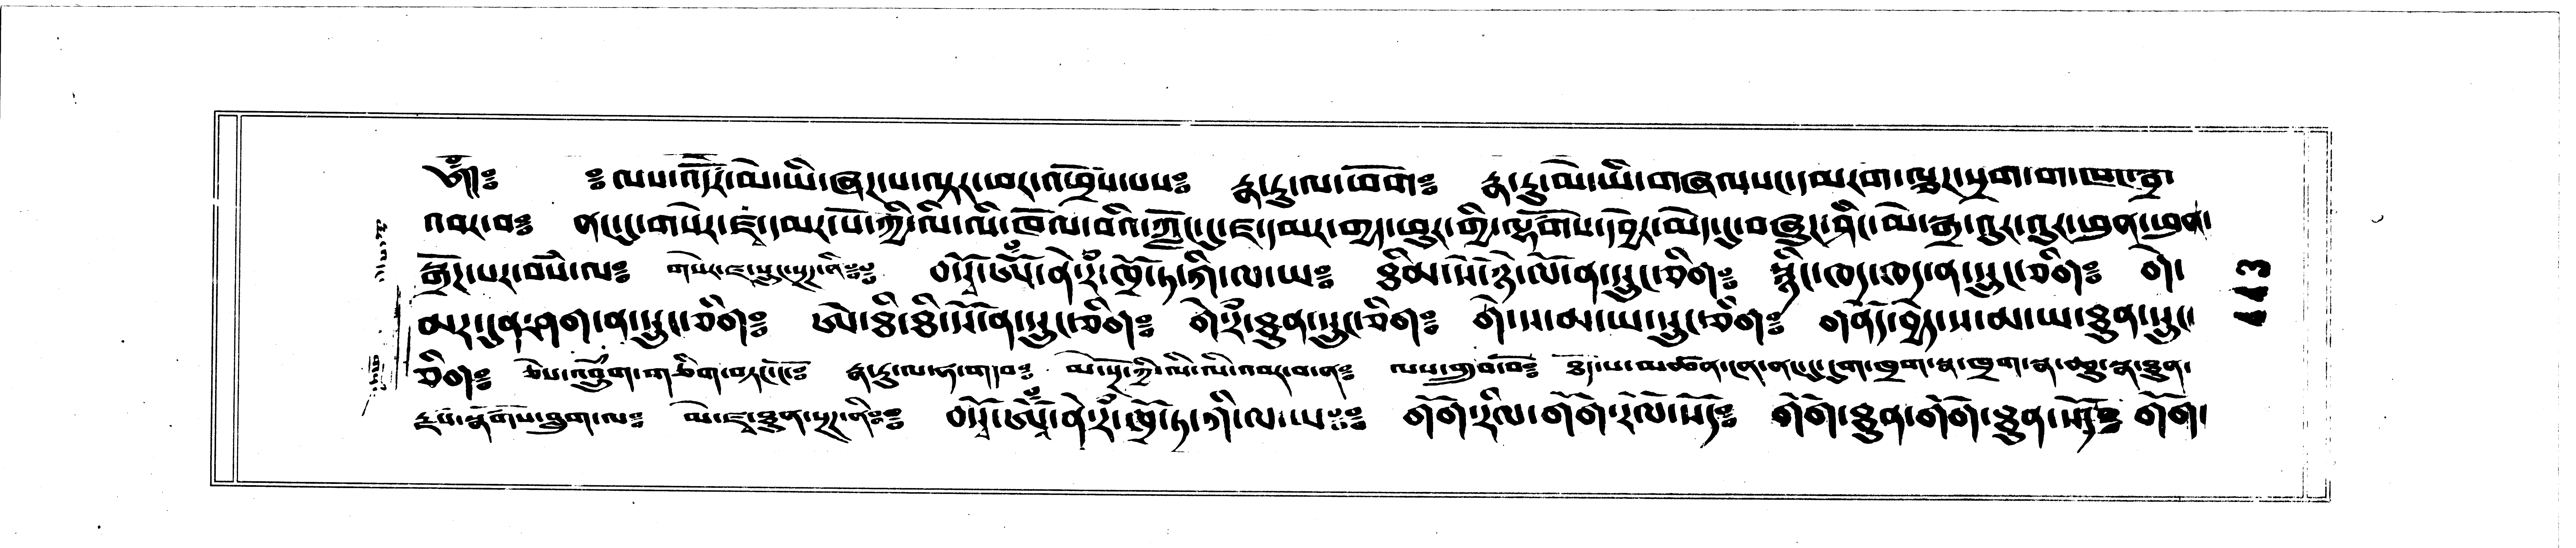༔ལས་འོད་ཟེར་མེ་ཡི་ཞགས་པ་ལྟར་ཕར་འཕྲོས་པས༔རྣ་རུ་ལ་ཕོག༔ རྣ་རུ་མེ་ཡི་གཞལ་ཡས་ཁང་དམར་ནག་ལྕགས་སྲེག་གི་ཁང་སྦྲ་
འབར་བ༔ནང་དུ་གསེར་ཛྭ་དམར་པོ་ཀྱི་ལི་ལི་ཁོལ་བའི་ཀློང་དུ་ཛྭ་དམར་གྱད་ཕུར་གྱི་ལྷ་ཚོགས་དབྱེར་མེད་དུ་བཞུགས་ཤིང་མེ་སྒྲ་འུར་འུར་ཕུན་ཕུན་
སྒྲོགས་པར་བསམ་ལ༔ སེར་བ་སྲུང་སྔགས་ནི༔ བསྭོ་ཨོཾ་ནེ་རཾ་ཁྲོ་ཏ་ཀི་ལ་ཡ༔ ཐིམ་སོ་ཉེ་ལོ་ན་སྲུང་ཅིག༔སྙིང་ཁད་ཁད་ན་སྲུང་ཅིག༔གེ་
མར་དུན་ཤག་ན་སྲུང་ཅིག༔ཨི་ཐི་ཐི་སོ་ན་སྲུང་ཅིག༔གེ་རཾ་ཐུན་སྲུང་ཅིག༔གེ་ས་མ་ཡ་སྲུང་ཅིག༔གནོད་བྱེད་ས་མ་ཡ་ཐུན་སྲུང་
ཅིག་ཅེས་འབུམ་ཕྲག་གཅིག་བཏང་ངོ༔ རྣ་རུ་ལ་ཧ་གདབ༔ མེ་སྔོ་ཀྱི་ལི་ལི་འབར་བ་ན༔ ལས་གྲུབ་བོ༔ ཐོད་པ་མཚན་ངན་ནང་དུ་དུག་ཁྲག་སྣ་ཁྲག་སྣ་ཆུ་སྣ་ཐུན་
རྫས་སྣ་ཚོགས་བླུག་ལ༔ མེ་ཛྭ་ཐུན་སྔགས་ནི༔༔བསྭོ་ཨོཾ་ནེ་རཾ་ཁྲོ་ཏ་ཀི་ལ་ཡ༔གོག་རིལ་གོག་རིལ་སོད༔གོག་ཐུན་གོག་ཐུན་སོད༔གོག་